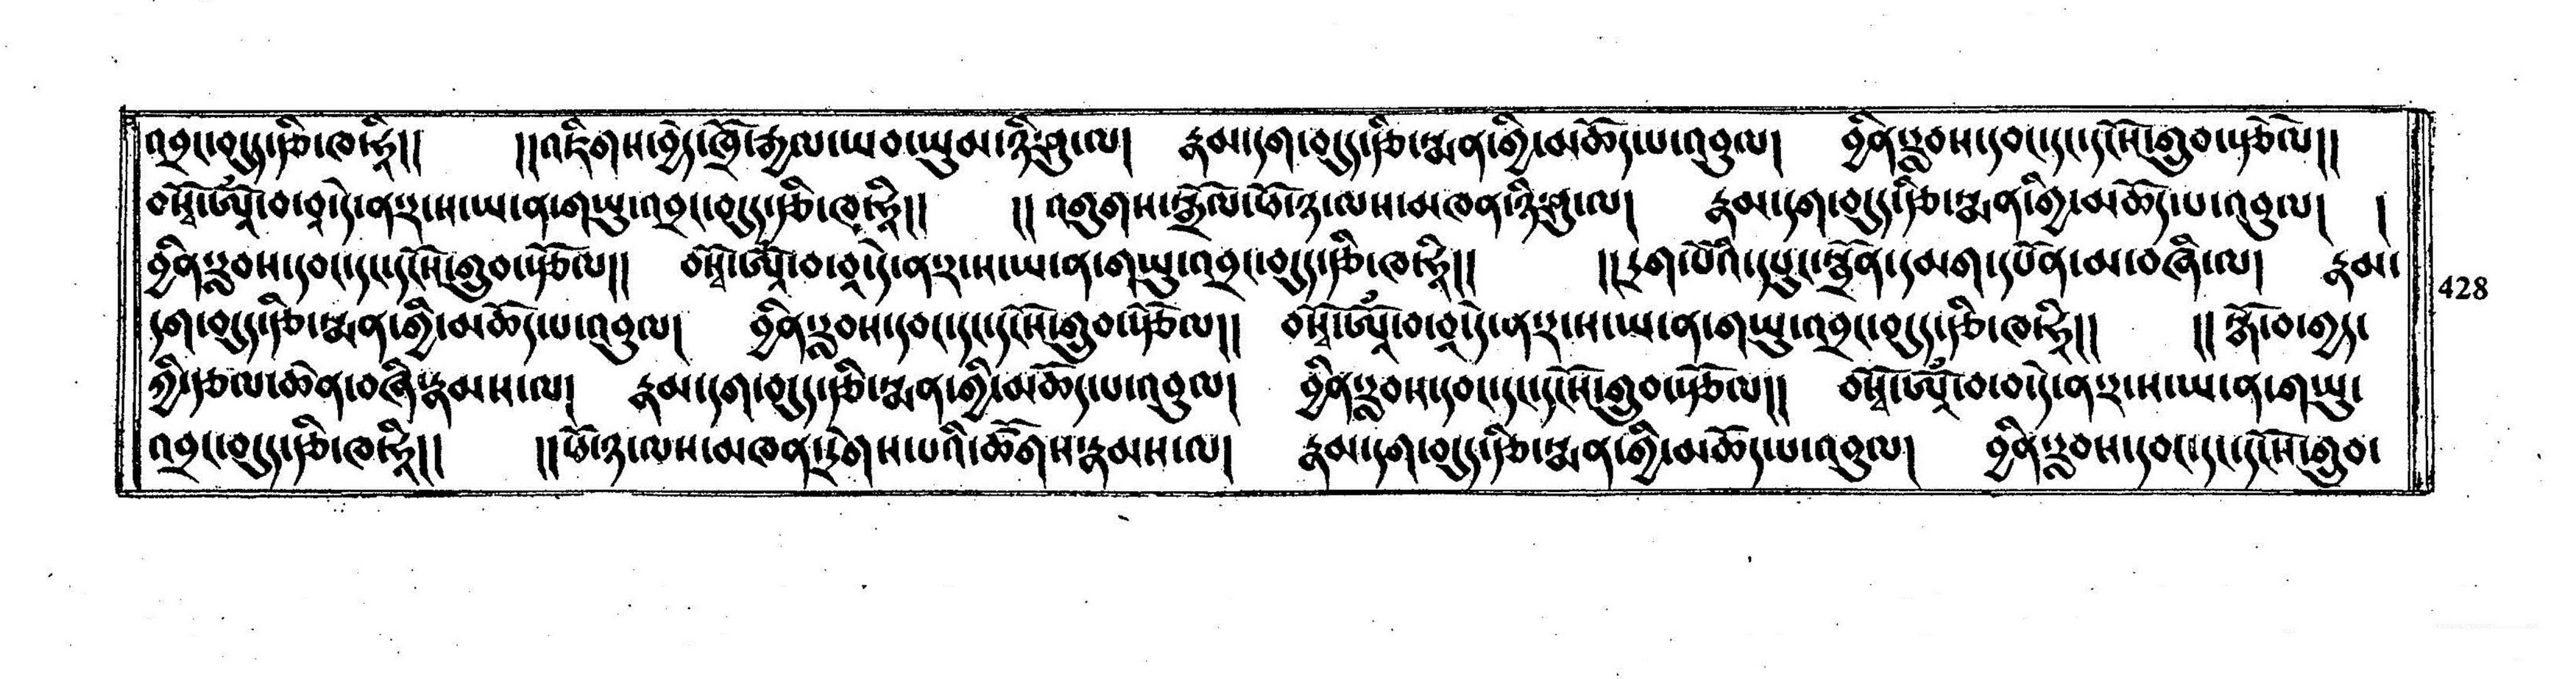འབྲང་བདུད་རྩི་ཁ་ཧཱི།། །།འཇིགས་བྱེད་ཁྲོ་རྒྱལ་ཡབ་ཡུམ་ཉི་ཤུ་ལ། རྣམ་དག་བདུད་རྩི་སྨན་གྱི་མཆོད་པ་འབུལ། བྱིན་རླབས་དབང་དང་དངོས་གྲུབ་སྩོལ།། 
བསྭོ་ཨཱོཾ་བ་བཱ་དེ་ན་ར་ས་ཡ་ན་གཡུ་འབྲང་བདུད་རྩི་ཁ་ཧཱི།། །།འགུགས་སྒྲོལ་ཕོ་ཉ་ལས་མཁན་ཉི་ཤུ་ལ། རྣམ་དག་བདུད་རྩི་སྨན་གྱི་མཆོད་པ་འབུལ། 
བྱིན་རླབས་དབང་དང་དངོས་གྲུབ་སྩོལ།། བསྭོ་ཨཱོཾ་བ་བཱ་དེ་ན་ར་ས་ཡ་ན་གཡུ་འབྲང་བདུད་རྩི་ཁ་ཧཱི།། །།དྲག་པོའི་དཔུང་སྦྲོན་དམག་དཔོན་མ་བཞི་ལ། རྣམ་
དག་བདུད་རྩི་སྨན་གྱི་མཆོད་པ་འབུལ། བྱིན་རླབས་དབང་དང་དངོས་གྲུབ་སྩོལ།། བསྭོ་ཨཱོཾ་བ་བཱ་དེ་ན་ར་ས་ཡ་ན་གཡུ་འབྲང་བདུད་རྩི་ཁ་ཧཱི།། །།སྒོ་བ་གྱད་
ཀྱི་རྩལ་ཆེན་བཞི་རྣམས་ལ། རྣམ་དག་བདུད་རྩི་སྨན་གྱི་མཆོད་པ་འབུལ། བྱིན་རླབས་དབང་དང་དངོས་གྲུབ་སྩོལ།། བསྭོ་{441}ཨཱོཾ་བ་བཱ་དེ་ན་ར་ས་ཡ་ན་གཡུ་
འབྲང་བདུད་རྩི་ཁ་ཧཱི།། །།ཕོ་ཉ་ལས་མཁན་དྲེགས་པའི་ཚོགས་རྣམས་ལ། རྣམ་དག་བདུད་རྩི་སྨན་གྱི་མཆོད་པ་འབུལ། བྱིན་རླབས་དབང་དང་དངོས་གྲུབ་